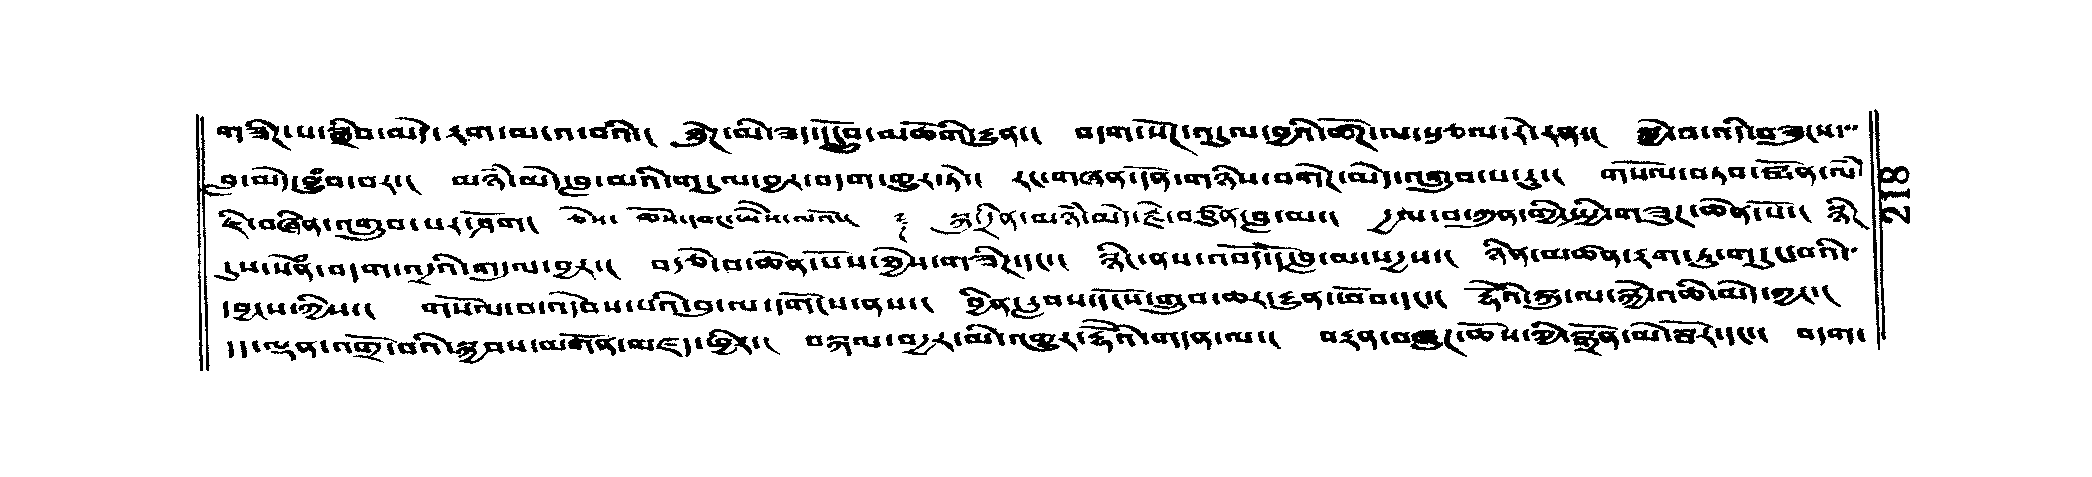གཟིགས་པ་སྒྲིབ་མེད་རྟག་མངའ་བའི། །ཐུགས་རྗེ་མི་ཟད་དངོས་གྲུབ་མཆོག་གི་རྒྱུན། །བདག་སོགས་འདུལ་བྱའི་ཚོགས་ལ་སྩལ་རེ་རན། །སྐྱེ་བ་འདི་བཟུང་
བླ་མེད་བྱང་ཆུབ་བར། །མཉམ་མེད་བླ་མའི་གདུལ་བྱར་བདག་གྱུར་ཏེ། །རང་གཞན་དོན་གཉིས་གེགས་མེད་འགྲུབ་པ་རུ། །གསོལ་བཏབ་སྨོན་ལམ་
ཇི་བཞིན་འགྲུབ་པར་ཤོགཅེས་ཆོས་དབང་ཡེ་ཤེས་ལའོ།། ༈ སྐུ་དྲིན་མཉམ་མེད་རྗེ་བཙུན་བླ་མ། །རྒྱལ་བ་ཀུན་གྱི་སྤྱི་གཟུགས་ཆེན་པོ། །སྙིགས་
དུས་སེམས་ཅན་བདག་འདྲའི་གདུལ་བྱར། །བརྩེ་བ་ཆེན་པོས་ཐུགས་རྗེས་གཟིགས་དང་། །སྙིང་ནས་འབོད་དོ་བླ་མ་སངས་རྒྱས། །ཉིན་མཚན་རྟག་ཏུ་གདུང་བའི་
དབྱངས་ཀྱིས། །གསོལ་བ་འདེབས་པའི་བུ་ལ་དགོངས་ནས། །བྱིན་རླབས་དངོས་གྲུབ་ཆར་རྒྱུན་ཕོབ་དང་། །རྡོ་རྗེའི་སྐུ་ལ་སྐྱེ་འཆི་མེད་ཀྱང་། །
དད་ལྡན་འགྲོ་བའི་སྐྱབས་མགོན་མཛད་ཕྱིར། །བསྐལ་བརྒྱར་མི་འགྱུར་རྡོ་རྗེའི་གདན་ལ། །བརྟན་བཞུགས་ཆོས་ཀྱི་སྒྲོན་མེ་སྦོར་དང་། །བདག་